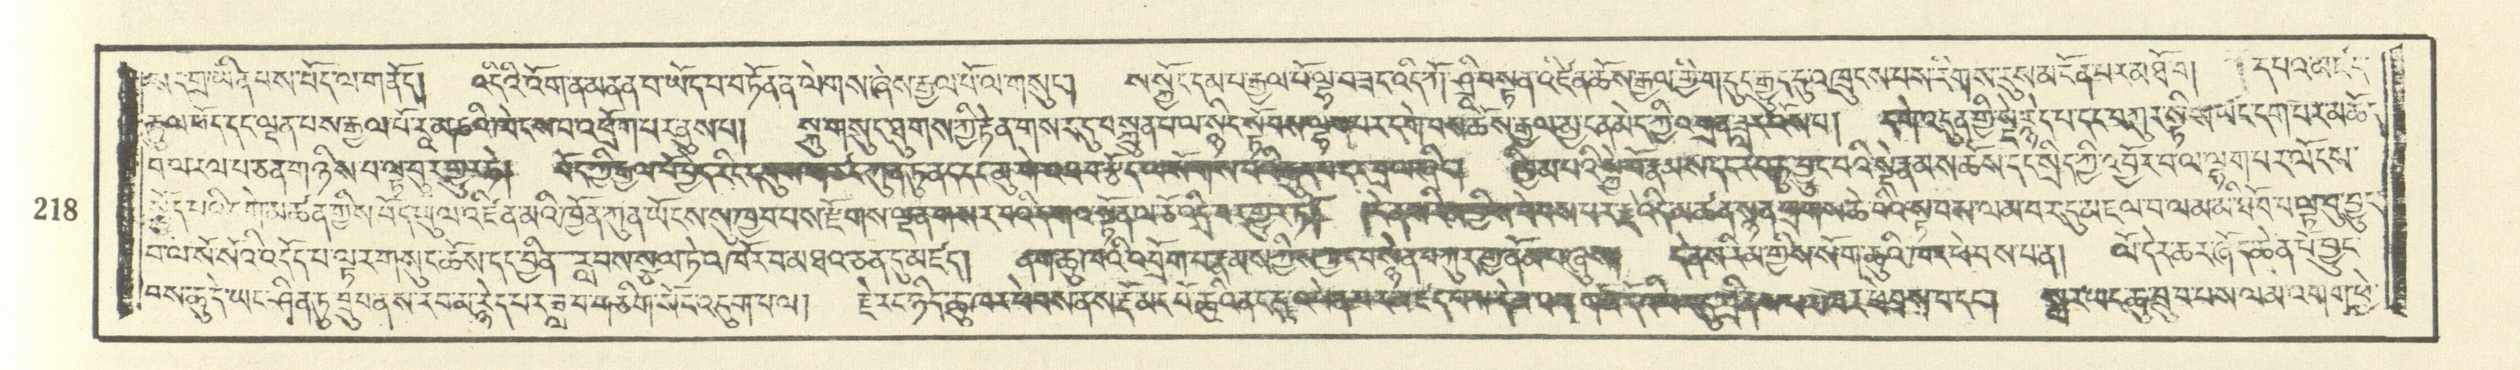ས་དགྲ་ཡིན་པས་བོད་ལ་གནོད། འདིའི་འོག་ན་མནན་པ་ཡོད་པ་བཏོན་ན་ལེགས་ཞེས་རྒྱལ་བོ་ལ་གསུང་། ས་སྐྱོང་དམ་པ་རྒྱལ་པོ་ལྷ་བཟང་འདི་ཀོ་ཤྲཱི་བསྟན་འཛིན་ཆོས་རྒྱལ་གྱི་གདུང་རྒྱུད་དུ་འཁྲུངས་པས་རིགས་རུས་མངོན་པར་མཐོ་བ། དཔའ་མཛད་
རྟུལ་ཕོད་དང་ལྡན་པས་རྒྱལ་པོ་རཱ་མ་ཎའི་ཁེངས་པ་འཕྲོག་པར་ནུས་པ། སྐུ་གསུང་ཐུགས་ཀྱི་རྟེན་གསར་དུ་བསྐྲུན་པ་ལ་སྙིང་སྟོབས་ལྷག་པར་དགེ་བས་ཆོས་རྒྱལ་མྱ་ངན་མེད་ཀྱི་འགྲན་ཟླར་འོས་པ། དགེ་འདུན་གྱི་སྡེ་རྙེད་པ་དང་བཀུར་སྟིས་ཡང་དག་པར་མཆོད་
བ་ལ་རལ་པ་ཅན་གཉིས་པ་ལྟ་བུར་གྱུར་ཏེ། བོད་ཀྱི་རྒྱལ་པོ་བྱེད་རིང་དབུས་གཙང་ཀུན་ཏུ་ནད་དང་མུ་གེ་འཐབ་རྩོད་ལ་སོགས་པའི་རྒུད་པ་དང་བྲལ་ཞིང་། ཁྱིམ་པའི་སྐྱེ་བོ་རྣམས་དང་རབ་ཏུ་བྱུང་བའི་སྡེ་རྣམས་ཆོས་དང་སྲིད་ཀྱི་འབྱོར་བ་ལ་ལྷག་པར་ལོངས་
སྤྱོད་པའི་དགེ་མཚན་གྱིས་བོད་ཡུལ་འཛིན་མའི་ཁྱོན་ཀུན་ཡོངས་སུ་ཁྱབ་པས་རྫོགས་ལྡན་གསར་བའི་དགའ་སྟོན་ལ་ཅོ་འདྲི་བར་གྱུར་ཏོ། །དེ་ནས་རིམ་གྱིས་ཕེབས་བར་རྗེ་འདི་མཚན་སྙན་གྲགས་ཆེ་བའི་སྟབས་ལམ་བར་དུ་མཇལ་བ་ལམ་མི་ཐོབ་པ་ལྟ་བུ་བྱུང་
བ་ལ་སོ་སོའི་འདོད་པ་ལྟར་གསུང་ཆོས་དང་བྱིན་རླབས་སྩལ་ཏེ་འཁོར་བ་མཐའ་ཅན་དུ་མཛད། ནག་ཆུ་ཁའི་འབྲོག་པ་རྣམས་ཀྱིས་ཀྱང་བསྙེན་བཀུར་གྱ་ནོམ་པ་ཞུས། དེ་ནས་རིམ་གྱིས་སོག་ཆུའི་ཁར་ཕེབས་པ་ན། ལོ་དེར་ཆར་ཞོད་ཆེན་པོ་བྱུང་
བས་ཆུ་དེ་ཡང་ཤིན་ཏུ་བྲུབ་ནས་རབ་མ་རྙེད་པར་ཟླ་བ་གཅིག་སོང་འདུག་པ་ལ། རྗེ་རང་ཉིད་ཆུ་ཁར་ཕེབས་ནས་རྡོ་མང་པོ་ཆུའི་ནང་དུ་འཕེན་པར་མཛད་པས་དེ་མ་ཐག་གོམ་དོའི་བར་དུ་བྲི་ནས་ཕར་ཁར་ཕེབས་པ་དང་། སླར་ཡང་ཆུ་བྲུ་བ་པས་ལམ་འགག་ཕྱེ་